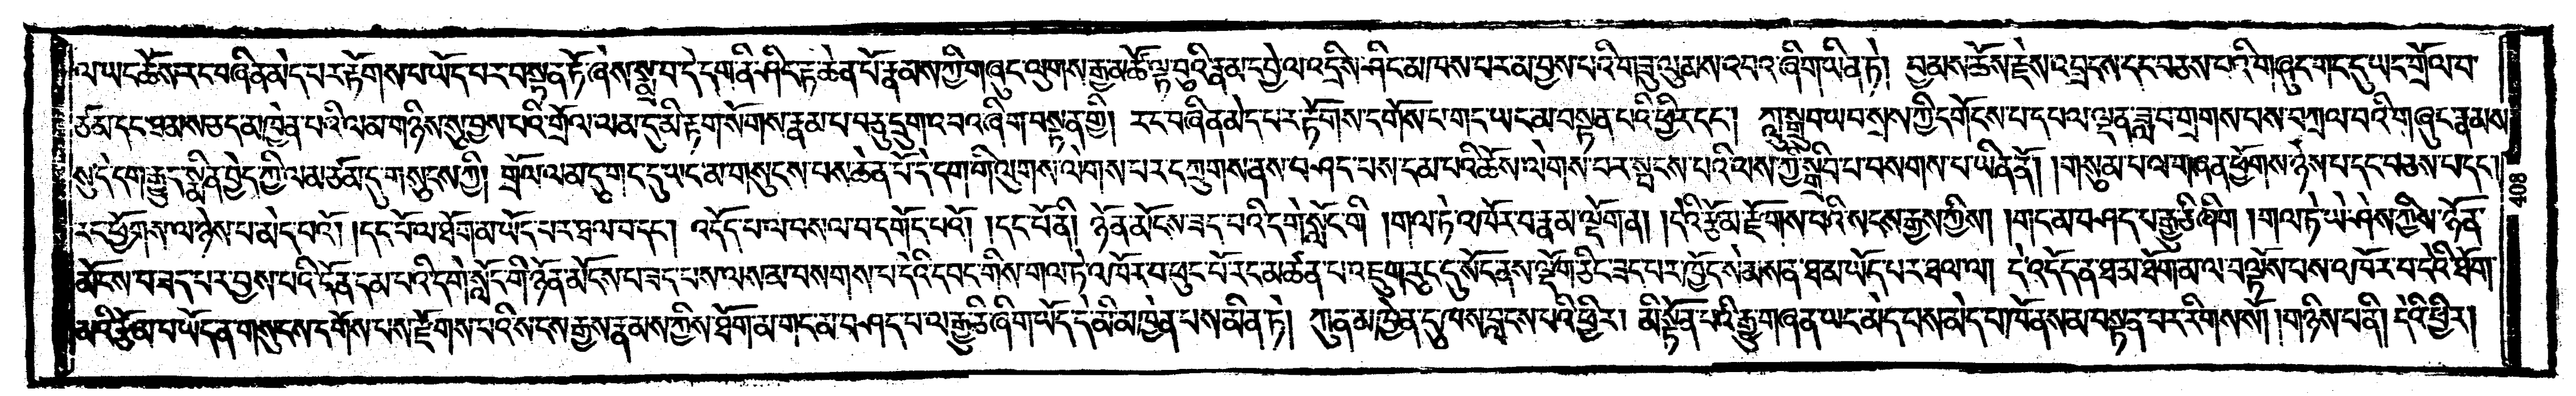ལ་ཡང་ཆོས་རང་བཞིན་མེད་པར་རྟོགས་པ་ཡོད་པར་བསྟན་ཏོ་ཞེས་སྨྲ་བ་དེ་དག་ནི་ཤིང་རྟ་ཆེན་པོ་རྣམས་ཀྱི་གཞུང་ལུགས་རྒྱ་མཚོ་ལྟ་བུའི་རྣམ་དབྱེ་ལ་འདྲིས་ཤིང་མཁས་པར་མ་བྱས་པའི་གཟུ་ལུམས་འབའ་ཞིག་ཡིན་ཏེ། བྱམས་ཆོས་རྗེས་འབྲངས་དང་བཅས་པའི་གཞུང་གང་དུ་ཡང་གྲོལ་བ་
ཙམ་དང་ཐམས་ཅད་མཁྱེན་པའི་ལམ་གཉིས་སུ་བྱས་པའི་གྲོལ་ལམ་དུ་མི་རྟག་སོགས་རྣམ་པ་བཅུ་དྲུག་འབའ་ཞིག་བསྟན་གྱི། རང་བཞིན་མེད་པར་རྟོགས་དགོས་པ་གང་ཡང་མ་བསྟན་པའི་ཕྱིར་དང་། ཀླུ་སྒྲུབ་ཡབ་སྲས་ཀྱི་དགོངས་པ་དཔལ་ལྡན་ཟླ་བ་གྲགས་པས་བཀྲལ་བའི་གཞུང་རྣམས་
སུ་དེ་དག་རྒྱུད་སྨིན་བྱེད་ཀྱི་ལམ་ཙམ་དུ་གསུངས་ཀྱི། གྲོལ་ལམ་དུ་གང་དུ་ཡང་མ་གསུངས་པས་ཆེན་པོ་དེ་དག་གི་ལུགས་ལེགས་པར་དཀྲུགས་ནས་བཤད་པས་དམ་པའི་ཆོས་ལེགས་པར་སྤངས་པའི་ལས་ཀྱི་སྒྲིབ་པ་བསགས་པ་ཡིན་ནོ། །གསུམ་པ་ལ་གཞན་ཕྱོགས་ཉེས་པ་དང་བཅས་པ་དང་།
རང་ཕྱོགས་ལ་ཉེས་པ་མེད་པའོ། །དང་པོ་ལ་ཐོག་མ་ཡོད་པར་ཐལ་བ་དང་། འདོད་པ་ལ་བསལ་བ་དགོད་པའོ། །དང་པོ་ནི། ཉོན་མོངས་ཟད་པའི་དགེ་སློང་གི །གལ་ཏེ་འཁོར་བ་རྣམ་ལྡོག་ན། །དེའི་རྩོམ་རྫོགས་པའི་སངས་རྒྱས་ཀྱིས། །གང་མ་བཤད་པ་རྒྱུ་ཅི་ཞིག །གལ་ཏེ་ཡེ་ཤེས་ཀྱིས་ཉོན་
མོངས་པ་ཟད་པར་བྱས་པའི་དོན་དམ་པའི་དགེ་སློང་གི་ཉོན་མོངས་པ་ཟད་པས་ལས་མ་བསགས་པ་དེའི་དབང་གིས་གལ་ཏེ་འཁོར་བ་ཕུང་པོ་རང་མཚན་པ་འཇུག་རུང་དུ་སོང་ནས་ལྡོག་ཅིང་ཟད་པར་ཁྱོད་སེམས་ན་ཐ་མ་ཡོད་པར་ཐལ་ལ། དེ་འདོད་ན་ཐ་མ་ཐོག་མ་ལ་བལྟོས་པས་འཁོར་བ་དེའི་ཐོག་
མའི་རྩོམ་པ་ཡོད་ན་གསུངས་དགོས་པས་རྫོགས་པའི་སངས་རྒྱས་རྣམས་ཀྱིས་ཐོག་མ་གང་མ་བཤད་པ་ལ་རྒྱུ་ཅི་ཞིག་ཡོད་དེ་མི་མཁྱེན་པས་མིན་ཏེ། ཀུན་མཁྱེན་དུ་ཁས་བླངས་པའི་ཕྱིར། མི་སྟོན་པའི་རྒྱུ་གཞན་ཡང་མེད་པས་མེད་པ་ཁོ་ནས་མ་བསྟན་པར་རིགས་སོ། །གཉིས་པ་ནི། དེའི་ཕྱིར།